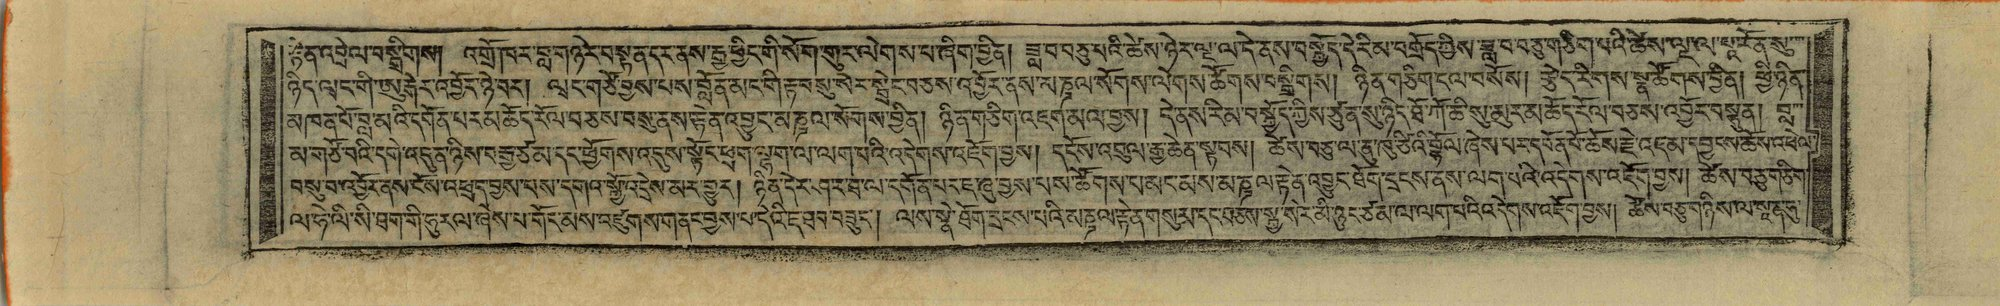རྟེན་འབྲེལ་བསྒྲིགས། འགྲོ་ཁར་བླ་གཉེར་བསྟན་དར་ནས་རྒྱ་ཕྱིང་གི་སོག་གུར་ལེགས་པ་ཞིག་བྱིན། ཟླ་བ་བཅུ་པའི་ཚེས་ཉེར་ལྔ་ལ་དེ་ནས་བསྐྱོད་དེ་རིམ་བགྲོད་ཀྱིས་ཟླ་བ་བཅུ་གཅིག་པའི་ཚེས་ལྔ་ལ་པཱ་རོན་སུ་
ཉིད་ཝང་གི་ཨུརྒེར་འབྱོར་ཉེ་བར། ལྭང་གཙོ་བྱས་པས་བློན་མང་གི་རྟ་བསུ་སེར་སྦྲེང་བཅས་འབྱོར་ནས་མཎྜལ་སོགས་ལེགས་ཚོགས་བསྒྲིགས། ཉིན་གཅིག་ངལ་བསོས། རྩེད་རིགས་སྣ་ཚོགས་བྱིན། ཕྱི་ཉིན་
མཁན་པོ་བླ་མའི་དགོན་པར་མཆོད་རོལ་བཅས་བསུ་ནས་རྟེན་འབྱུང་མཎྜལ་སོགས་བྱིན། ཉིན་གཅིག་འཇག་མལ་བྱས། དེ་ནས་རིམ་བསྐྱོད་ཀྱིས་ཙུན་སུ་ཉིད་ཐོ་ཀོ་ཆི་སུ་མུར་མཆོད་རོལ་བཅས་འབྱོར་བསྟུན། བླ་
མ་གཙོ་བའི་དགེ་འདུན་ཉིས་བརྒྱ་ཙམ་དང་ཕྱོགས་འདུས་སྟོང་ཕྲག་ལྷག་ལ་ལག་པའི་འདེགས་འཇོག་བྱས། དངོས་འབུལ་རྒྱ་ཆེན་སྟབས། ཚེས་བཅུ་ལ་ནུ་ཁུ་ཙིའི་གྷོལ་ཞེས་པར་དཔོན་པོ་ཆོས་རྗེ་འཇམ་དབྱངས་ཆོས་འཕེལ་
བསུ་བ་འབྱོར་ནས་ངོས་འཕྲད་བྱས་པས་དགའ་སྐྱོ་འདྲེས་མར་གྱུར། ཉིན་དེར་ཤ་ར་ཐ་ལ་དགོན་པར་ཇ་ཞུ་བྱས་པས་ཚོགས་པ་མང་མས་མཎྜལ་རྟེན་འབྱུང་ཐོག་དྲངས་ནས་ལག་པའི་འདེགས་འཇོག་བྱས། ཚེས་བཅུ་གཅིག་
ལ་ཧེ་ལི་སི་ཐག་གི་ཧུ་རལ་ཞེས་པ་གོང་མས་འཛུགས་གནང་བྱས་པ་དེའི་ཇ་ཐབ་བཟུང་། ལས་སྣེ་ཐོག་དྲངས་པའི་མཎྜལ་རྟེན་གསུམ་དང་བཅས་སྐྱ་སེར་མི་ཉུང་ཙམ་ལ་ལག་པའི་འདེགས་འཇོག་བྱས། ཚེས་བཅུ་གཉིས་ལ་སཱན་ཧུ་